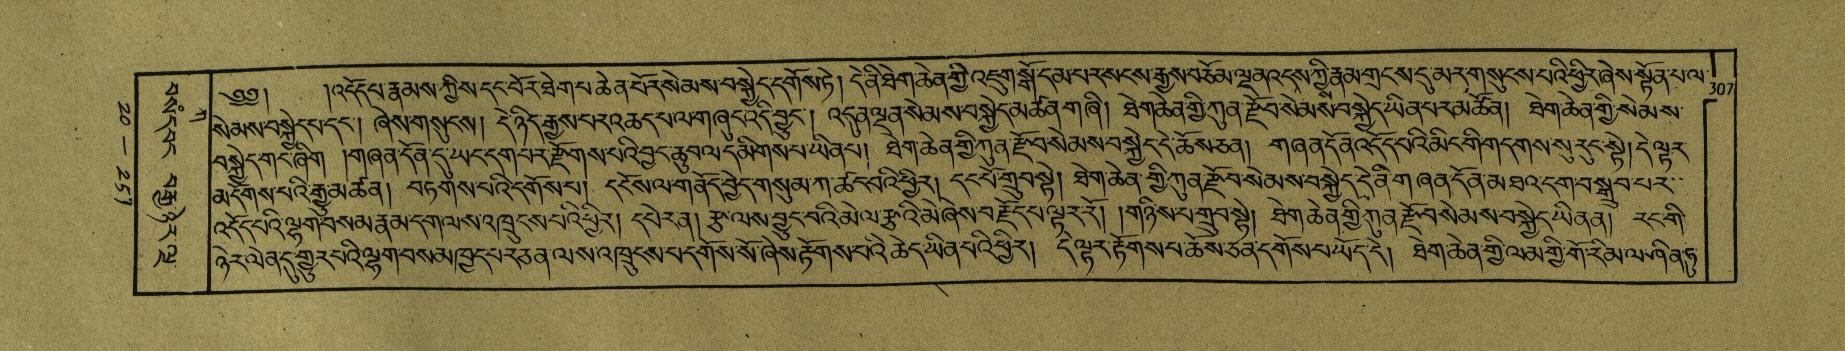༄༅། །འདོད་པ་རྣམས་ཀྱིས་དང་པོར་ཐེག་པ་ཆེན་པོར་སེམས་བསྐྱེད་དགོས་ཏེ། དེ་ནི་ཐེག་ཆེན་གྱི་འཇུག་སྒོ་དམ་པར་སངས་རྒྱས་བཅོམ་ལྡན་འདས་ཀྱིས་རྣམ་གྲངས་དུ་མར་གསུངས་པའི་ཕྱིར་ཞེས་སྟོན་པ་ལ་
སེམས་བསྐྱེད་པ་དང་། ཞེས་གསུངས། དེ་ཉིད་རྒྱས་པར་འཆད་པ་ལ་གཞུང་འདི་བྱུང་། འདུན་ལྡན་སེམས་བསྐྱེད་མཚན་གཞི། ཐེག་ཆེན་གྱི་ཀུན་རྫོབ་སེམས་བསྐྱེད་ཡིན་པར་མཚོན། ཐེག་ཆེན་གྱི་སེམས་
བསྐྱེད་གང་ཞིག །གཞན་དོན་དུ་ཡང་དག་པར་རྫོགས་པའི་བྱང་ཆུབ་ལ་དམིགས་པ་ཡིན་པ། ཐེག་ཆེན་གྱི་ཀུན་རྫོབ་སེམས་བསྐྱེད་དེ་ཆོས་ཅན། གཞན་དོན་འདོད་པའི་མིང་གི་གདགས་སུ་རུང་སྟེ། དེ་ལྟར་
མདོགས་པའི་རྒྱུ་མཚན། བཏགས་པའི་དགོས་པ། དངོས་ལ་གནོད་བྱེད་གསུམ་ཀ་ཚང་བའི་ཕྱིར། དང་པོ་གྲུབ་སྟེ། ཐེག་ཆེན་གྱི་ཀུན་རྫོབ་སེམས་བསྐྱེད་དེ་ནི་གཞན་དོན་མཐའ་དག་བསྒྲུབ་པར་
འདོད་པའི་ལྷག་བསམ་རྣམ་དག་ལས་འཁྲུངས་པའི་ཕྱིར། དཔེར་ན། རྩ་ལས་བྱུང་བའི་མེ་ལ་རྩའི་མེ་ཞེས་བརྗོད་པ་ལྟར་རོ། །གཉིས་པ་གྲུབ་སྟེ། ཐེག་ཆེན་གྱི་ཀུན་རྫོབ་སེམས་བསྐྱེད་ཡིན་ན། རང་གི་
ཉེར་ལེན་དུ་གྱུར་པའི་ལྷག་བསམ་ཁྱད་པར་ཅན་ལས་འཁྲུངས་པ་དགོས་སོ་ཞེས་རྟོགས་པའི་ཆེད་ཡིན་པའི་ཕྱིར། དེ་ལྟར་རྟོགས་པ་ཆོས་ཅན་དགོས་པ་ཡོད་དེ། ཐེག་ཆེན་གྱི་ལམ་གྱི་གོ་རིམ་ལ་ཤིན་ཏུ་